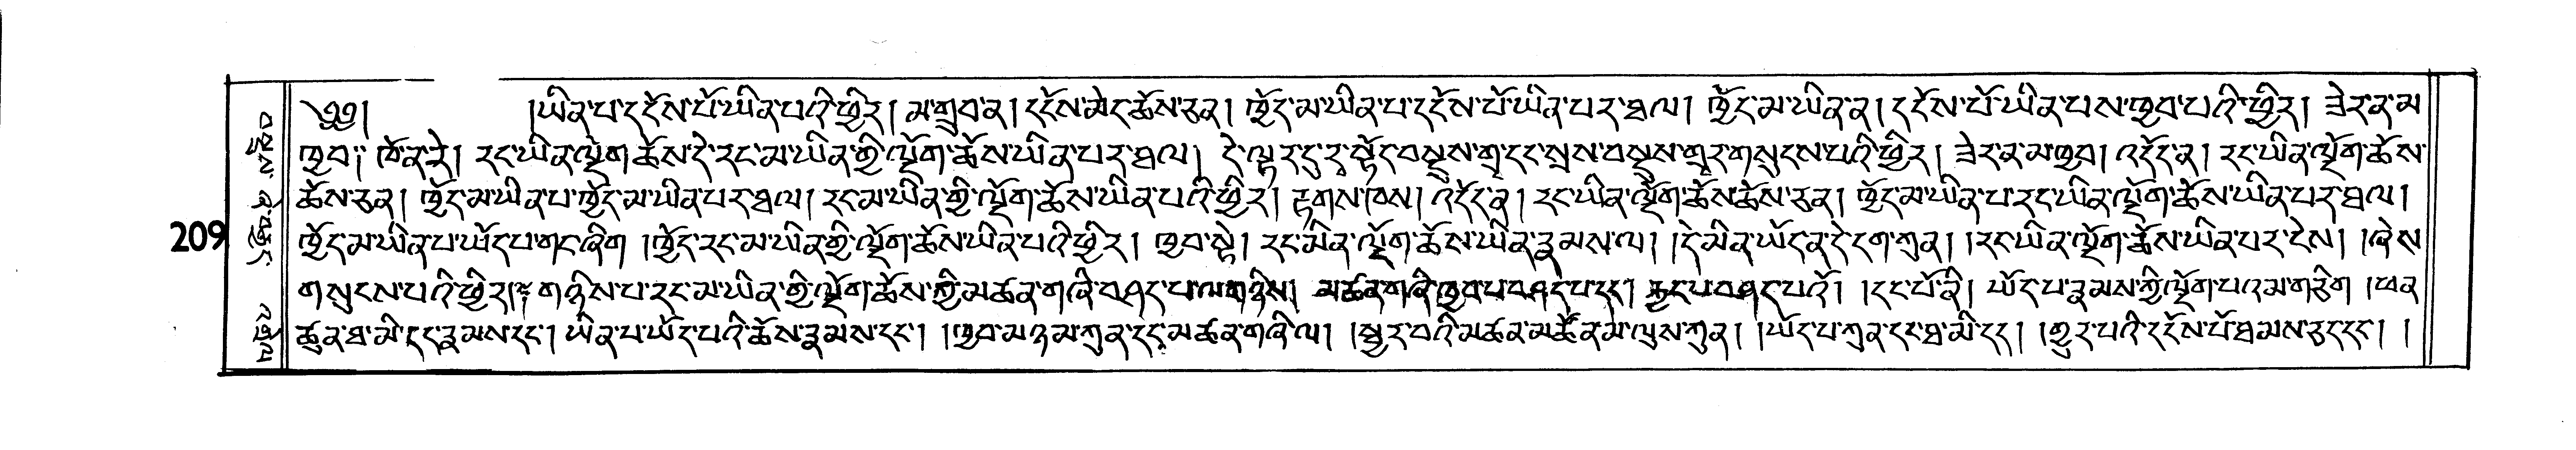༄༅། །ཡིན་པ་དངོས་པོ་ཡིན་པའི་ཕྱིར། མ་གྲུབ་ན། དངོས་མེད་ཆོས་ཅན། ཁྱོད་མ་ཡིན་པ་དངོས་པོ་ཡིན་པར་ཐལ། ཁྱོད་མ་ཡིན་ན། དངོས་པོ་ཡིན་པས་ཁྱབ་པའི་ཕྱིར། ཟེར་ན་མ་
ཁྱབ༑ ཁོ་ན་རེ། རང་ཡིན་ལྡོག་ཆོས་དེ་རང་མ་ཡིན་གྱི་ལྡོག་ཆོས་ཡིན་པར་ཐལ། དེ་ལྟར་དུ་རྭ་སྟོད་བསྡུས་གྲྭ་དང་སྲས་བསྡུས་གྲྭར་གསུངས་པའི་ཕྱིར། ཟེར་ན་མ་ཁྱབ། འདོད་ན། རང་ཡིན་ལྡོག་ཆོས་
ཆོས་ཅན། ཁྱོད་མ་ཡིན་པ་ཁྱོད་མ་ཡིན་པར་ཐལ། རང་མ་ཡིན་གྱི་ལྡོག་ཆོས་ཡིན་པའི་ཕྱིར། རྟགས་ཁས། འདོད་ན། རང་ཡིན་ལྡོག་ཆོས་ཆོས་ཅན། ཁྱོད་མ་ཡིན་པ་རང་ཡིན་ལྡོག་ཆོས་ཡིན་པར་ཐལ།
ཁྱོད་མ་ཡིན་པ་ཡོད་པ་གང་ཞིག །ཁྱོད་རང་མ་ཡིན་གྱི་ལྡོག་ཆོས་ཡིན་པའི་ཕྱིར། ཁྱབ་སྟེ། རང་མིན་ལྡོག་ཆོས་ཡིན་རྣམས་ལ། །དེ་མིན་ཡོད་ན་དེ་དག་ཀུན། །རང་ཡིན་ལྡོག་ཆོས་ཡིན་པར་ངེས། །ཞེས་
གསུངས་པའི་ཕྱིར། ༈ གཉིས་པ་རང་མ་ཡིན་གྱི་ལྡོག་ཆོས་ཀྱི་མཚན་གཞི་བཤད་པ་ལ་གཉིས། མཚན་གཞི་ཁྱབ་པ་བཤད་པ་དང་། རྐྱང་པ་བཤད་པའོ། །དང་པོ་ནི། ཡོད་པ་རྣམས་ཀྱི་ལྡོག་པའམ་གཅིག །ཕན་
ཚུན་ཐ་མི་དད་རྣམས་དང་། ཡིན་པ་ཡོད་པའི་ཆོས་རྣམས་དང་། །ཁྱབ་མཉམ་ཀུན་དང་མཚན་གཞི་ལ། །སྦྱར་བའི་མཚན་མཚོན་མ་ལུས་ཀུན། །ཡོད་པ་ཀུན་དང་ཐ་མི་དད། །གྱུར་པའི་དངོས་པོ་ཐམས་ཅད་དང་། །